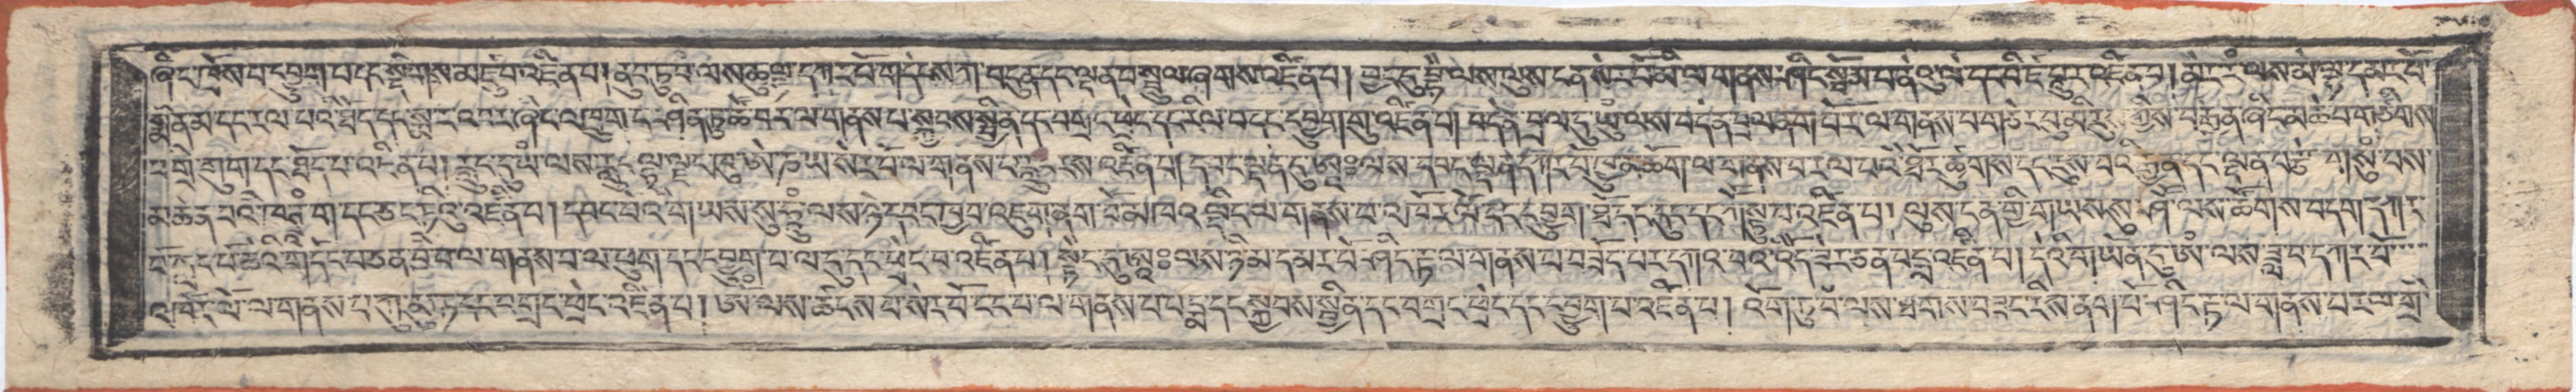ཞིང་ཁྲོས་པ་དབྱུག་པ་དང་སྡིགས་མཛུབ་འཛིན་པ། ནུབ་ཏུ་བཾ་ལས་ཆུ་ལྷ་དཀར་པོ་གདེངས་ཀ་བདུན་དང་ལྡན་པ་སྦྲུལ་ཞགས་འཛིན་པ། བྱང་དུ་བྷཻ་ལས་ལུས་ངན་སེར་པོ་མི་ལ་གནས་ཤིང་སྦོམ་པ་ནེའུ་ལེ་དང་བི་ཛ་པཱུ་ར་འཛིན་པ། མེར་རཾ་ལས་མེ་ལྷ་དམར་པོ་
སྨིན་མ་དང་རལ་པའི་ཐོད་དང་སྨ་ར་འབར་ཞིང་འཁྲུག་པ་ཤིན་ཏུ་ཚོ་བར་ལ་གནས་པ་སྐྱབས་སྦྱིན་དང་བགྲང་ཕྲེང་དང་རིལ་བ་དང་དབྱུག་གུ་འཛིན་པ། བདེན་བྲལ་དུ་ཡུཾ་ལས་བདེན་བྲལ་ནག་པོ་ར་ལ་གནས་པ་གཙོར་བུ་མི་རུས་ཀྱིས་བརྒྱན་ཞིང་མཆེ་བ་གཙིགས་
བགྲི་གུག་དང་ཐོད་པ་འཛིན་པ། རླུང་དུ་ཡཾ་ལས་རླུང་ལྷ་ལྗང་ཁུ་ཨེ་ཎ་ཡ་སེར་པོ་ལ་གནས་པ་རླུང་རས་འཛིན་པ། དབང་ལྡན་དུ་ཨཱཿ ལས་དབང་ལྡན་དཀར་པོ་ཁྱུ་མཆོག་ལ་གནས་བ་རལ་པའི་ཐོར་ཚུགས་དང་རུས་བའི་རྒྱན་དང་ལྡན་པ་རྩེ་གསུཾ་པས་
མཚན་པའི་ཁ་ཊྲཱཾ་ག་དང་ཅང་ཏིའུ་འཛིན་པ། དབང་པོའི་གཡས་སུ་ཧཱུཾ་ལས་ཉེ་དབང་ཁྱབ་འཇུག་ནག་པོ་མཁའ་ལྡིང་ལ་གནས་པ་འཁོར་ལོ་དང་དབྱུག་ཐོ་དང་དུང་དང་ཀཽསྟུ་པ་འཛིན་པ། ལུས་ངན་གྱི་གཡས་སུ་ཤཽ་ལས་ཚོགས་བདག་དཀར་
པོ་གླང་པོ་ཆེའི་གདོང་པ་ཅན་བྱི་བ་ལ་གནས་པ་ལ་ཕུག་དང་དབྱུག་པ་ལ་དུ་དང་ཕྲེང་བ་འཛིན་པ། སྟེང་དུ་ཨཱཿ ལས་ཉི་མ་དམར་པོ་ཤིང་རྟ་ལ་གནས་པ་བཟོད་པར་དཀའ་བའི་འོད་ཟེར་ཅན་པདམ་འཛིན་པ། དེའི་གཡོན་དུ་ཨཾ་ལས་ཟླ་བ་དཀར་པོ་
འཁོར་ལོ་ལ་གནས་པ་ཀུ་མུ་ཏ་དང་བགྲང་ཕྲེང་འཛིན་པ། ཨོཾ་ལས་ཚངས་པ་སེར་པོ་ངང་པ་ལ་གནས་པ་པདམ་དང་སྐྱབས་སྦྱིན་དང་བགྲང་ཕྲེང་དང་དབྱུག་པ་འཛིན་པ། འོག་ཏུ་བཾ་ལས་ཐགས་བཟང་རིས་ནག་པོ་ཤིང་རྟ་ལ་གནས་པ་རལ་གྲི་